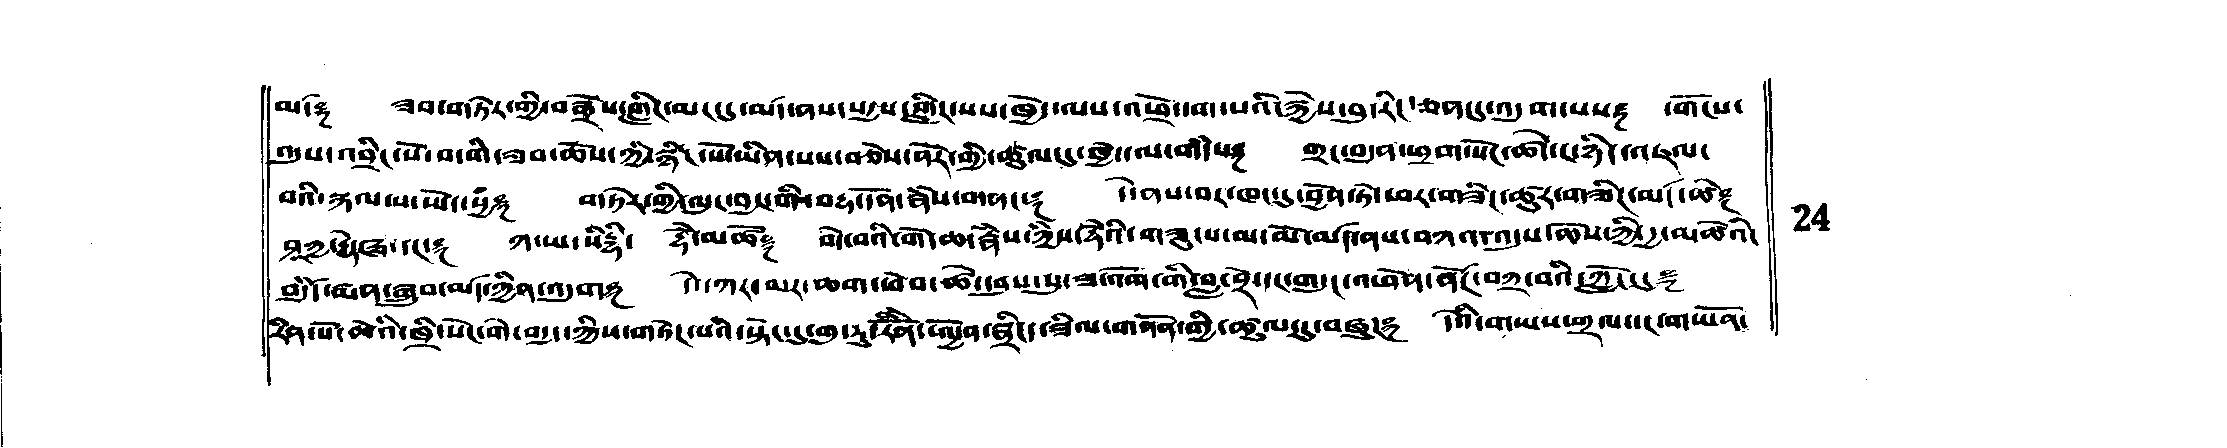མཛད། ཟབ་གཏེར་གྱི་བགྲོ་གླེང་མང་དུ་མཛད་ནས་སངས་རྒྱས་གླིང་པས་ཁྱོད་ལས་འཕྲོ་དག་པའི་སྐྱེས་བུ་རིགས་ཅན་དུ་འདུག་པས།དགོངས་
འདུས་འབྲིང་པོ་བདག་གི་ཟབ་ཆོས་ཀྱི་སྙིང་པོ་ཡིན་པས་གཅེས་ནོར་གྱི་ཚུལ་དུ་ཁྱེད་ལ་གདམས། གྲངས་བདུན་ཕྲག་སོང་ཚེ་ང་ཉིད་མཇལ་
བའི་སྐལ་བ་ཡོད་གསུང་། གཏེར་གྱི་ལུང་བྱང་གི་བརྡ་དོན་རྣམས་གནང་། དེ་ནས་བར་ཁང་དུ་བྱོན་ཏེ་ཕར་གཟིགས་ཚུར་གཟིགས་མཛད་ཚེ། 
ཤཱཀྱ་རྡེ་ཝ་དང་། ཀ་ཡ་སིདྡྷི། རྡོ་རྗེ་མཚོ། བདེ་བའི་གོ་ཆ་རྣམས་ཀྱིས་རྡོ་རྗེའི་གཟུངས་མ་མོ་མཛད་ནས་བཀའ་འདུས་ཆོས་ཀྱི་རྒྱ་མཚོའི་
བདུད་རྩི་སྨན་སྒྲུབ་མཛད་ཀྱིན་འདུག དེ་ཀར་མར་ཆག་ཕེབ་༼ཕྱག་ཕེབས་?༽ཚེ་དབུས་སུ་ཟ་འོག་གི་བླ་བྲེ་དང་གདུགས་འཕེན་སྣ་ཚོགས་བཀྲ་བའི་ཀློང་དུ། 
རིན་པོ་ཆེའི་ཁྲི་སེང་གེ་བརྒྱད་ཀྱིས་གཏེགས་པའི་སྟེང་དུ་གུ་རུ་རིན་པོ་ཆེ་ཨོ་རྒྱན་སྣང་སྲིད་ཟིལ་གནོན་གྱི་ཚུལ་དུ་བཞུགས། དེའི་གཡས་གྲལ་དང་གཡོན་